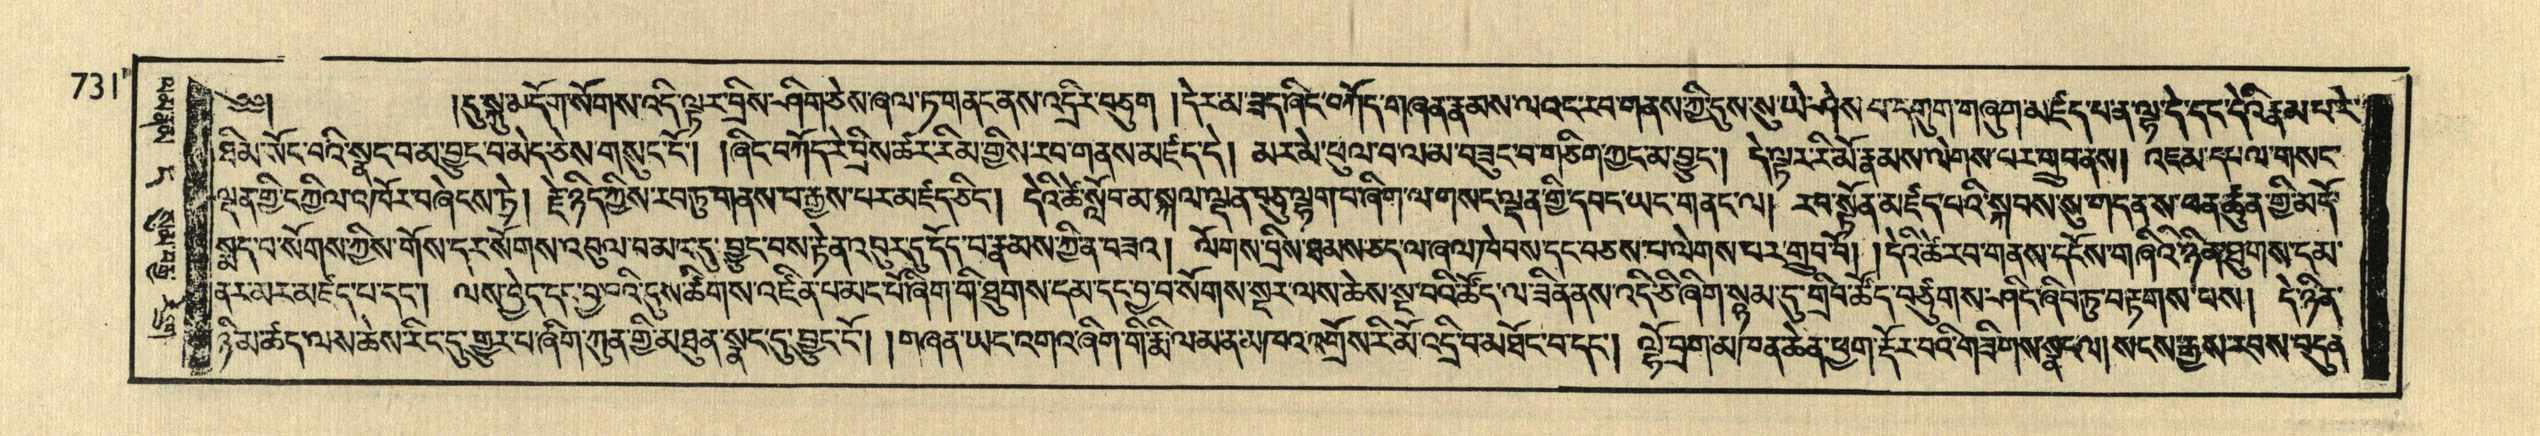༄༅། །དུ་སྐུ་མདོག་སོགས་འདི་ལྟར་བྲིས་ཤིག་ཅེས་ཞལ་ཏ་གནང་ནས་འདྲིར་བཅུག །དེར་མ་ཟད་ཞིང་བཀོད་གཞན་རྣམས་ལའང་རབ་གནས་ཀྱི་དུས་སུ་ཡེ་ཤེས་པ་དགུག་གཞུག་མཛད་པ་ན་ལྷ་དེ་དང་དེའི་རྣམ་པ་རེ་
ཐིམ་སོང་བའི་སྣང་བ་མ་བྱུང་བ་མེད་ཅེས་གསུང་ངོ། །ཞིང་བཀོད་རེ་བྲིས་ཚར་རིམ་གྱིས་རབ་གནས་མཛད་དེ། མར་མེ་ཕུལ་བ་ལམ་བཟུང་བ་གཅིག་ཀྱང་མ་བྱུང་། དེ་ལྟར་རི་མོ་རྣམས་ལེགས་པར་གྲུབ་ནས། འཇམ་དཔལ་གསང་
ལྡན་གྱི་དཀྱིལ་འཁོར་བཞེངས་ཏེ། རྗེ་ཉིད་ཀྱིས་རབ་ཏུ་གནས་པ་རྒྱས་པར་མཛད་ཅིང་། དེའི་ཚེ་སློབ་མ་སྐལ་ལྡན་བཅུ་ལྷག་པ་ཞིག་ལ་གསང་ལྡན་གྱི་དབང་ཡང་གནང་ལ། རབ་སྟོན་མཛད་པའི་སྐབས་སུ་གདན་ས་ཕན་ཚུན་གྱི་མདོ་
སྨད་པ་སོགས་ཀྱིས་གོས་དར་སོགས་འབུལ་བ་མང་དུ་བྱུང་བས་རྟེན་འབུར་དུ་དོད་པ་རྣམས་ཀྱི་ན་བཟའ། ལོགས་བྲིས་ཐམས་ཅད་ལ་ཞལ་ཁེབས་དང་བཅས་པ་ལེགས་པར་གྲུབ་བོ། །དེའི་ཚེ་རབ་གནས་དངོས་གཞིའི་ཉིན་ཐུགས་དམ་
ནར་མར་མཛད་པ་དང་། ལས་བྱེད་དང་བྱ་བའི་དུས་ཚིགས་འཛིན་པ་མང་པོ་ཞིག་གི་ཐུགས་དམ་དང་བྱ་བ་སོགས་སྔར་ལས་ཆེས་སྔ་བའི་ཚོད་ལ་ཟིན་ནས་འདི་ཅི་ཞིག་སྙམ་དུ་གྲིབ་ཚོད་བཙུགས་ཤིང་ཞིབ་ཏུ་བརྟགས་པས། དེ་ཉིན་
ཉི་མ་ཚད་ལས་ཆེས་རིང་དུ་གྱུར་པ་ཞིག་ཀུན་གྱི་མཐུན་སྣང་དུ་བྱུང་ངོ། །གཞན་ཡང་འགའ་ཞིག་གི་རྨི་ལམ་ན་མཁའ་འགྲོས་རི་མོ་འདྲི་བ་མཐོང་བ་དང་། ལྷོ་བྲག་མཁན་ཆེན་ཕྱག་རྡོར་བའི་གཟིགས་སྣང་ལ། སངས་རྒྱས་རབས་བདུན་